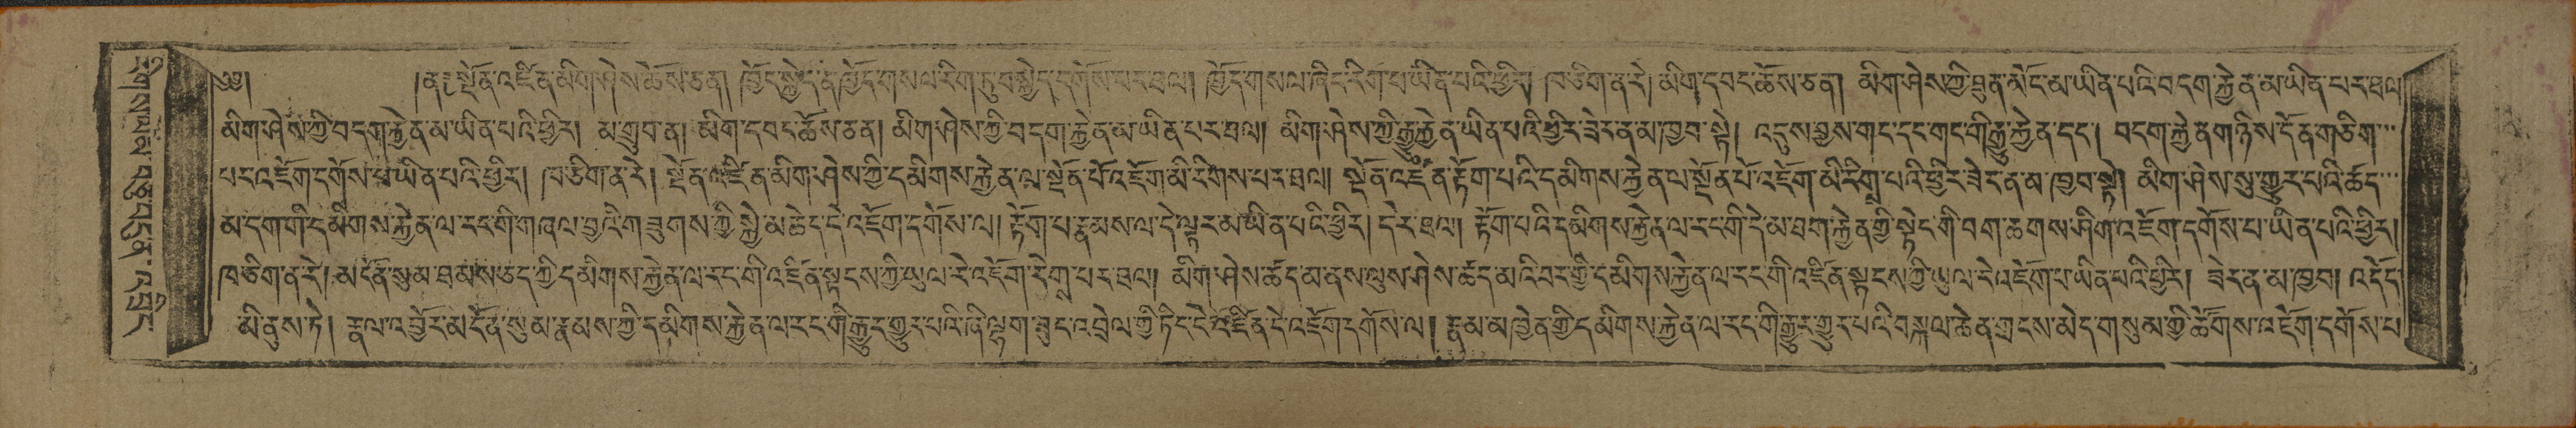༄༅། །ན༑ སྔོན་འཛིན་མིག་ཤེས་ཆོས་ཅན། ཁྱོད་སྐྱེད་ན་ཁྱོད་གསལ་རིག་ཏུ་བསྐྱེད་དགོས་པར་ཐལ། ཁྱོད་གསལ་ཞིང་རིག་པ་ཡིན་པའི་ཕྱིར། ཁ་ཅིག་ན་རེ། མིག་དབང་ཆོས་ཅན། མིག་ཤེས་ཀྱི་ཐུན་མོང་མ་ཡིན་པའི་བདག་རྐྱེན་མ་ཡིན་པར་ཐལ་
མིག་ཤེས་ཀྱི་བདག་རྐྱེན་མ་ཡིན་པའི་ཕྱིར། མ་གྲུབ་ན། མིག་དབང་ཆོས་ཅན། མིག་ཤེས་ཀྱི་བདག་རྐྱེན་མ་ཡིན་པར་ཐལ། མིག་ཤེས་ཀྱི་རྒྱུ་རྐྱེན་ཡིན་པའི་ཕྱིར་ཟེར་ན་མ་ཁྱབ་སྟེ། འདུས་བྱས་གང་དང་གང་གི་རྒྱུ་རྐྱེན་དང་། བདག་རྐྱེན་གཉིས་དོན་གཅིག་
པར་འཇོག་དགོས་པ་ཡིན་པའི་ཕྱིར། ཁ་ཅིག་ན་རེ། སྔོན་འཛིན་མིག་ཤེས་ཀྱི་དམིགས་རྐྱེན་ལ་སྔོན་པོ་འཇོག་མི་རིགས་པར་ཐལ། སྔོན་འཛིན་རྟོག་པའི་དམིགས་རྐྱེན་ལ་སྔོན་པོ་འཇོག་མི་རིགས་པའི་ཕྱིར་ཟེར་ན་མ་ཁྱབ་སྟེ། མིག་ཤེས་སུ་གྱུར་པའི་ཚད་
མ་དག་གི་དམིགས་རྐྱེན་ལ་རང་གི་གཞལ་བྱའི་གཟུགས་ཀྱི་སྐྱེ་མཆེད་དེ་འཇོག་དགོས་ལ། རྟོག་པ་རྣམས་ལ་དེ་ལྟར་མ་ཡིན་པའི་ཕྱིར། དེར་ཐལ། རྟོག་པའི་དམིགས་རྐྱེན་ལ་རང་གི་དེ་མ་ཐག་རྐྱེན་གྱི་སྟེང་གི་བག་ཆགས་ཤིག་འཇོག་དགོས་པ་ཡིན་པའི་ཕྱིར།
ཁ་ཅིག་ན་རེ། མངོན་སུམ་ཐམས་ཅད་ཀྱི་དམིགས་རྐྱེན་ལ་རང་གི་འཛིན་སྟངས་ཀྱི་ཡུལ་རེ་འཇོག་རིགས་པར་ཐལ། མིག་ཤེས་ཚད་མ་ནས་ལུས་ཤེས་ཚད་མའི་བར་གྱི་དམིགས་རྐྱེན་ལ་རང་གི་འཛིན་སྟངས་ཀྱི་ཡུལ་དེ་འཇོག་པ་ཡིན་པའི་ཕྱིར། ཟེར་ན་མ་ཁྱབ། འདོད་
མི་ནུས་ཏེ། རྣལ་འབྱོར་མངོན་སུམ་རྣམས་ཀྱི་དམིགས་རྐྱེན་ལ་རང་གི་རྒྱུར་གྱུར་པའི་ཞི་ལྷག་ཟུང་འབྲེལ་གྱི་ཏིང་ངེ་འཛིན་དེ་འཇོག་དགོས་ལ། རྣམ་མཁྱེན་གྱི་དམིགས་རྐྱེན་ལ་རང་གི་རྒྱུར་གྱུར་པའི་བསྐལ་ཆེན་གྲངས་མེད་གསུམ་གྱི་ཚོགས་འཇོག་དགོས་པ་